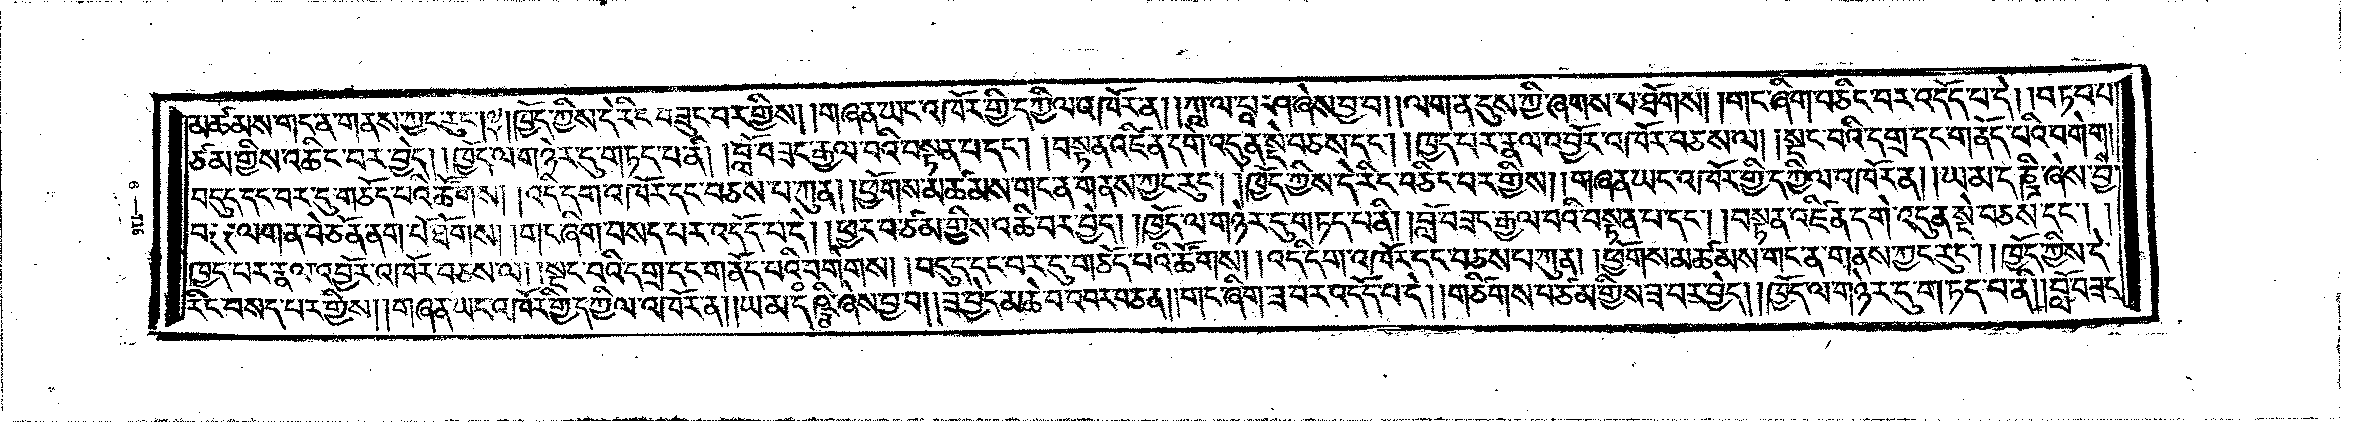མཚམས་གདན་གནས་ཀྱང་རུང་། ༈ །ཁྱོད་ཀྱིས་དེ་རིང་བཟུང་བར་གྱིས། །གཞན་ཡང་འཁོར་གྱི་དཀྱིལ་འཁོར་ན། །ཀཱ་ལ་པཱ་ཤ་ཞེས་བྱ་བ། །ལག་ན་དུས་ཀྱི་ཞགས་པ་ཐོགས། །གང་ཞིག་བཅིང་བར་འདོད་པ་དེ། །བཏབ་པ་
ཙམ་གྱིས་འཆིང་བར་བྱེད། །ཁྱོད་ལ་གཉེར་དུ་གཏད་པ་ནི། །བློ་བཟང་རྒྱལ་བའི་བསྟན་པ་དང་། །བསྟན་འཛིན་དགེ་འདུན་སྡེ་བཅས་དང་། །ཁྱད་པར་རྣལ་འབྱོར་འཁོར་བཅས་ལ། །སྡང་བའི་དགྲ་དང་གནོད་པའི་བགེགས་
བདུད་དང་བར་དུ་གཅོད་པའི་ཚོགས། །འདི་དག་འཁོར་དང་བཅས་པ་ཀུན། །ཕྱོགས་མཚམས་གང་ན་གནས་ཀྱང་རུང་། །ཁྱོད་ཀྱིས་དེ་རིང་བཅིང་བར་གྱིས། །གཞན་ཡང་འཁོར་གྱི་དཀྱིལ་འཁོར་ན། །ཡ་མ་དཎྜི་ཞེས་བྱ་
བ༑ ༑ལག་ན་བེ་ཅོན་ནག་པོ་ཐོགས། །གང་ཞིག་བསད་པར་འདོད་པ་དེ། །ཕྱར་བ་ཙམ་གྱིས་འཆི་བར་བྱེད། །ཁྱོད་ལ་གཉེར་དུ་གཏད་པ་ནི། །བློ་བཟང་རྒྱལ་བའི་བསྟན་པ་དང་། །བསྟན་འཛིན་དགེ་འདུན་སྡེ་བཅས་དང་། །
ཁྱད་པར་རྣལ་འབྱོར་འཁོར་བཅས་ལ། །སྡང་བའི་དགྲ་དང་གནོད་པའི་བགེགས། །བདུད་དང་བར་དུ་གཅོད་པའི་ཚོགས། །འདི་དག་འཁོར་དང་བཅས་པ་ཀུན། །ཕྱོགས་མཚམས་གང་ན་གནས་ཀྱང་རུང་། །ཁྱོད་ཀྱིས་དེ་
རིང་བསད་པར་གྱིས། །གཞན་ཡང་འཁོར་གྱི་དཀྱིལ་འཁོར་ན། །ཡ་མ་དཾཥྚི་ཞེས་བྱ་བ། །ཟ་བྱེད་མཆེ་བ་འབར་བ་ཅན། །གང་ཞིག་ཟ་བར་འདོད་པ་དེ། །གཙིགས་པ་ཙམ་གྱིས་ཟ་བར་བྱེད། །ཁྱོད་ལ་གཉེར་དུ་གཏད་པ་ནི། །བློ་བཟང་